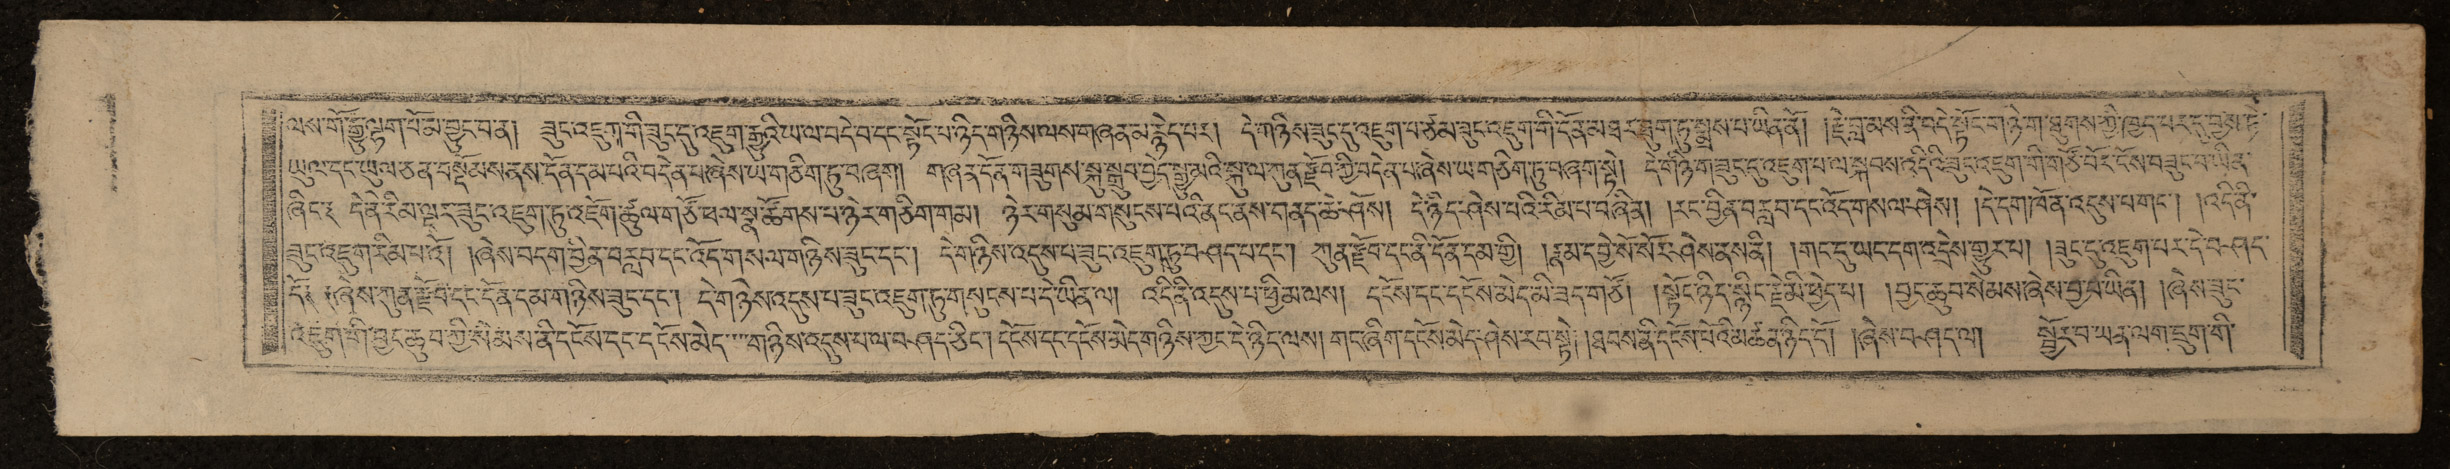ལས་གོ་རྒྱུ་ལྷག་པོ་མ་བྱུང་བ་ན། ཟུང་འཇུག་གི་ཟུང་དུ་འཇུག་རྒྱུའི་ཡལ་བདེ་བ་དང་སྟོང་པ་ཉིད་གཉིས་ལས་གཞན་མ་རྙེད་པར། དེ་གཉིས་ཟུང་དུ་འཇུག་པ་ཙམ་ཟུང་འཇུག་གི་དོན་མཐར་ཐུག་ཏུ་སྨྲས་པ་ཡིན་ནོ། །རྗེ་བླ་མས་ནི་བདེ་སྟོང་གཉི་ག་ཐུགས་ཀྱི་ཁྱད་པར་དུ་བྱས་ཏེ་
ཡུལ་དང་ཡུལ་ཅན་བསྡོམས་ནས་དོན་དམ་པའི་བདེན་པ་ཞེས་ཡ་གཅིག་ཏུ་བཞག། གཞན་དོན་གཟུགས་སྐུ་སྒྲུབ་བྱེད་སྒྱུ་མའི་སྐུ་ལ་ཤུན་རྫོབ་ཀྱི་བདེན་པ་ཞེས་ཡ་གཅིག་ཏུ་བཞག་སྟེ། དེ་གཉི་གཟུང་དུ་འཇུག་པ་ལ་སྐབས་འདིའི་ཟུང་འཇུག་གི་གཙོ་བོར་ངོས་བཟུང་བ་ཡིན་
ཞིང༑ དེ་ནི་རིམ་ལྔར་ཟུང་འཇུག་ཏུ་འཇོག་ཚུལ་གཙོ་ཕལ་སྣ་ཚོགས་པ་ཉེར་གཅིག་གམ། ཉེར་གསུམ་གསུངས་པའི་ནང་ནས་གནད་ཆེ་ཤོས། དེ་ཉིད་ཤེས་པའི་རིམ་པ་བཞིན། །རང་བྱིན་བརླབ་པ་དང་འོད་གསལ་ཤེས། །དེ་དག་ཁོ་ན་འདུས་པ་གང་། །འདི་ནི་
ཟུང་འཇུག་རིམ་བ་འོ། །ཞེས་བདག་བྱིན་བརླབ་པ་དང་འོད་གསལ་གཉིས་ཟུང་དང་། དེ་གཉིས་འདུས་བཟུང་འཇུག་ཏུ་བཤད་པ་དང་། ཀུན་རྫོབ་དང་ནི་དོན་དམ་གྱི། །རྣམ་དབྱེ་སོ་སོར་ཤེས་ནས་ནི། །གང་དུ་ཡང་དག་འདྲིས་གྱུར་པ། །ཟུང་དུ་འཇུག་པར་དེ་བཤད་
དོ༑ ༑ཞེས་ཀུན་རྫོབ་དང་དོན་དམ་གཉིས་ཟུང་དང་། དེ་གཉིས་འདུས་པ་ཟུང་འཇུག་ཏུ་གསུངས་པ་དེ་ཡིན་ལ། འདི་ནི་འདུས་པ་ཕྱི་མ་ལས། དངོས་དང་དངོས་མེད་མི་ཟད་གཙོ། །སྟོང་ཉིད་སྙིང་རྗེ་མི་ཕྱེད་པ། །བྱང་ཆུབ་སེམས་ཞེས་བྱ་བ་ཡིན། །ཞེས་ཟུང་
འཇུག་གི་བྱང་ཆུབ་ཀྱི་སེམས་ནི་དངོས་དང་དངོས་མེད་གཉིས་འདུས་པ་ལ་བཤད་ཅིང་། དངོས་དང་དངོས་མེད་གཉིས་ཀྱང་དེ་ཉིད་ལས། གང་ཞིག་དངོས་མེད་ཤེས་རབ་སྟེ། །ཐབས་ནི་དངོས་པོའི་མཚན་ཉིད་དོ། །ཞེས་བཤད་ལ། སྦྱོར་བ་ཡན་ལག་དྲུག་གི་དྲུག་